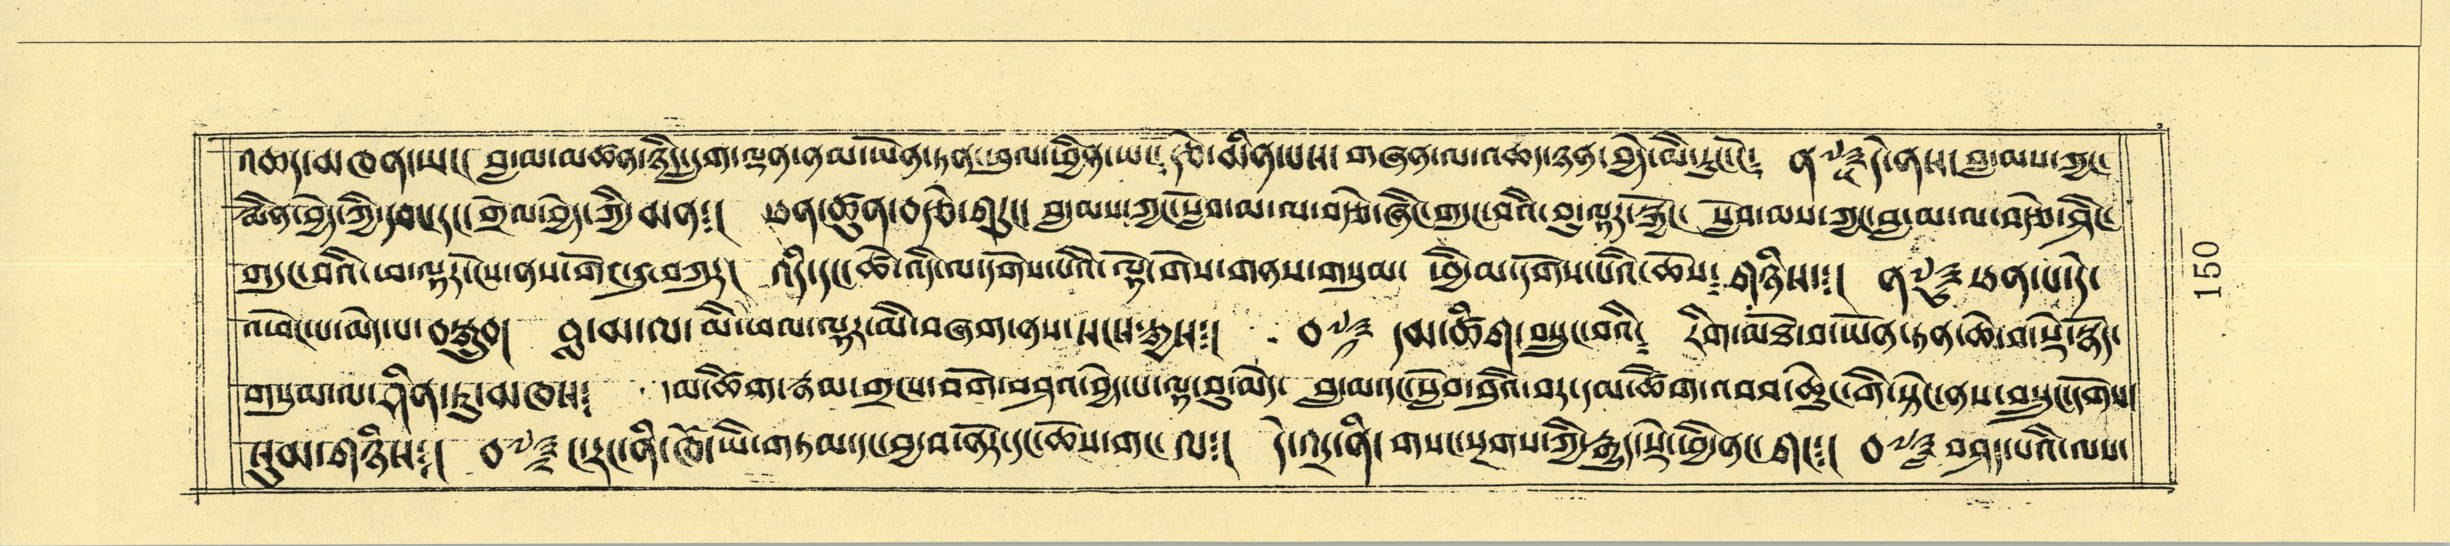༼འཆད་མཁན་ཡང་༽བླ་མ་མཚན་ཉིད་དྲུག་ལྡན་ནམ་ཡོན་ཏན་ཕུལ་ཕྱིན་ཡང་༼རྩེ་མིན་པས༽གཞན་ལ་འཆད་ཉན་བྱེད་མི་རུང་ངོ་། ན༧༣།༥༼དེ་ནས༽བླ་མས་ཀྱང་
སྨིན་བྱེད་ཀྱི་༼དབང་དང་༽གྲོལ་བྱེད་ཀྱི་༼མན་ངག༽༼ཕན་ཚུན་བརྩེ་གདུང༽བླ་མས་ཀྱང་སློབ་མ་ལ་བརྩེ་ཞིང་གདུང་བའི་བུ་ལྟར་སྐྱོང་སློབ་མས་ཀྱང་བླ་མ་ལ་བརྩེ་ཞིང་
གདུང་བའི་ཕ་ལྟར་ངོས་ནས་གོང་དུ་བཀུར། ༼འདི་དང་༽ཚེ་འདི་ལ་དགོས་པའི་ལྟོ་གོས་གནས་གསུམ་ཕྱི་མ་དགོས་པའི་ཆོས་༼གཉིས༽ན༧༣།༦༼ཕན་པ་དེ༽
འཕོངས་པ་མེད་པ་༼བསྒྲུབ༽ ༼བླ་མ་ལ༽མི་ཕལ་པ་ལྟར་མི་བཞག་༼སངས་རྒྱས༽བ༧༣།༡༼དམ་ཚིག༽བསྲུང་བའི། རིགས་མཐོ་བ་ཡོན་ཏན་ཆེ་བ་སྡེ་སྣོད་
གསུམ་ལ་༼ཤིན་ཏུ་མཁས༽དམ་ཚིག་རྣམ་གྲངས་བགོ་བཤའ་བྱེད་པ་ལྟ་བུ་མེད་བླ་མ་དང་སློབ་བུའི་བར་དམ་ཚིག་འབབ་ཆེ་ཆུང་གི་སྟེང་ནས་བསྲུང་དགོས།
༼སུམ་གཉིས༽བ༧༣།༢༼ང་རང་ནི་ཁོ༽ཡི་བྱ་བ་གཏམ་དང་ནོར་དང་ཆོས་གང་༼ལ༽ ༼དེ་འདྲ་ནི༽གསང་སྔགས་ཀྱི་རྒྱུད་སྡེ་ཕྱི་ནང་༼གང༽བ༧༣།༤བཤད་པའི་ལས་